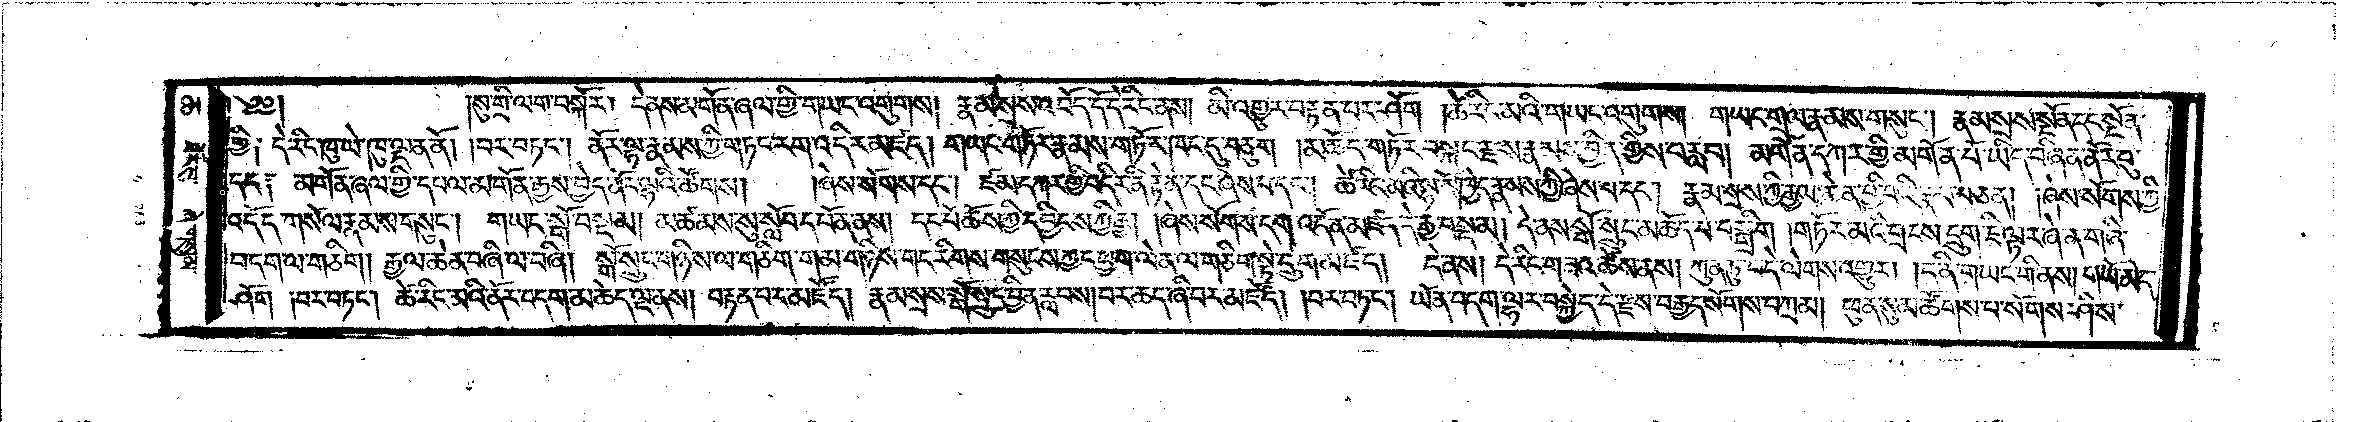༄༅། །སུ་གྲི་ལག་བསྐོར། དེ་ནས་མགོན་ཞལ་གྱི་གཡང་འགུགས། རྣམ་སྲས་འབོད་དོ་དེ་རིང་ནས། མི་འགྱུར་བརྟན་པར་ཤོག །ཚེ་རིང་མའི་གཡང་འགུགས། གཡང་གྲལ་རྣམས་གསུང་། རྣམ་སྲས་སྔོན་དང་སྔོན་
གྱི༑ དེ་རིང་ཁུ་ཡེ་ཁུ་ལྡན་ནོ། །བར་བཏང་། ནོར་ལྷ་རྣམས་ཀྱི་གཏང་རག་འདིར་མཛད། གཡང་གཏོར་རྣམས་གཏོར་ཁང་དུ་བཅུག །མཆོད་གཏོར་བསྐང་རྫས་རྣམས་བྱིན་གྱིས་བརླབ། མགོན་དཀར་གྱི་མགོན་པོ་ཡིད་བཞིན་ནོར་བུ་
དང༑ མགོན་ཞལ་གྱི་དཔལ་མགོན་རྒྱས་བྱེད་ནོར་ལྷའི་ཚོགས། །ཞེས་སོགས་དང་། ཛམ་དཀར་གྱི་བདིར་ནི་རྟེན་དང་ཞེས་པ་དང་། ཚེ་རིང་མའི་ལྷ་མོ་ཁྱེད་རྣམས་ཀྱི་ཞེས་པ་དང་། རྣམ་སྲས་ཀྱི་རྒྱལ་ཆེན་བྱི་བའི་རྣམ་པ་ཅན། །ཞེས་སོགས་ཀྱི་
འདོད་གསོལ་རྣམས་གསུང་། གཡང་སྒོ་བསྔམ། མཚམས་སུ་སློབ་དཔོན་ནས། དང་པོ་ཆོས་ཀྱི་དབྱིངས་ཀྱི་རྒྱ། །ཞེས་སོགས་དག་འདོན་མཛད་དེ་རྒྱ་བསྔམ། དེ་ནས་སྒོ་སྲུང་མཆོད་པ་བསྒྲིག །གཏོར་མའི་གྲངས་དྲུག་ཇི་ལྟར་ཞེན་གཞི་
བདག་ལ་གཅིག། རྒྱལ་ཆེན་བཞི་ལ་བཞི། སྒོ་སྲུང་གཉིས་ལ་གཅིག་གམ་གཉིས་གང་རིགས་གསུངས་ཀྱང་ཕྱག་ལེན་ལ་གཅིག་སྟེ་དྲུག་མཛད། དེ་ནས། དེ་རིང་གཟའ་ཚོས་ནས། ཀུན་ཏུ་བདེ་ལེགས་འགྱུར། །དེ་ནི་གྱང་བ་ནས། །གྲོ་མེད་
ཤོག །བར་བཏང་། ཚེ་རིང་མའི་ནོར་བདག་མཆེད་ལྔ་ནས། བརྟན་བར་མཛོད། རྣམས་སྲས་སྒོ་སྲུང་བྱིན་རླབས། བར་ཆད་ཞི་བར་མཛོད། །བར་བཏང་། ཡོན་བདག་ལྷར་བསྐྱེད་དེ་རྫས་བརྒྱད་སོགས་བཀྲམ། ཕུན་སུམ་ཚོགས་པ་སོགས་ཤེས་